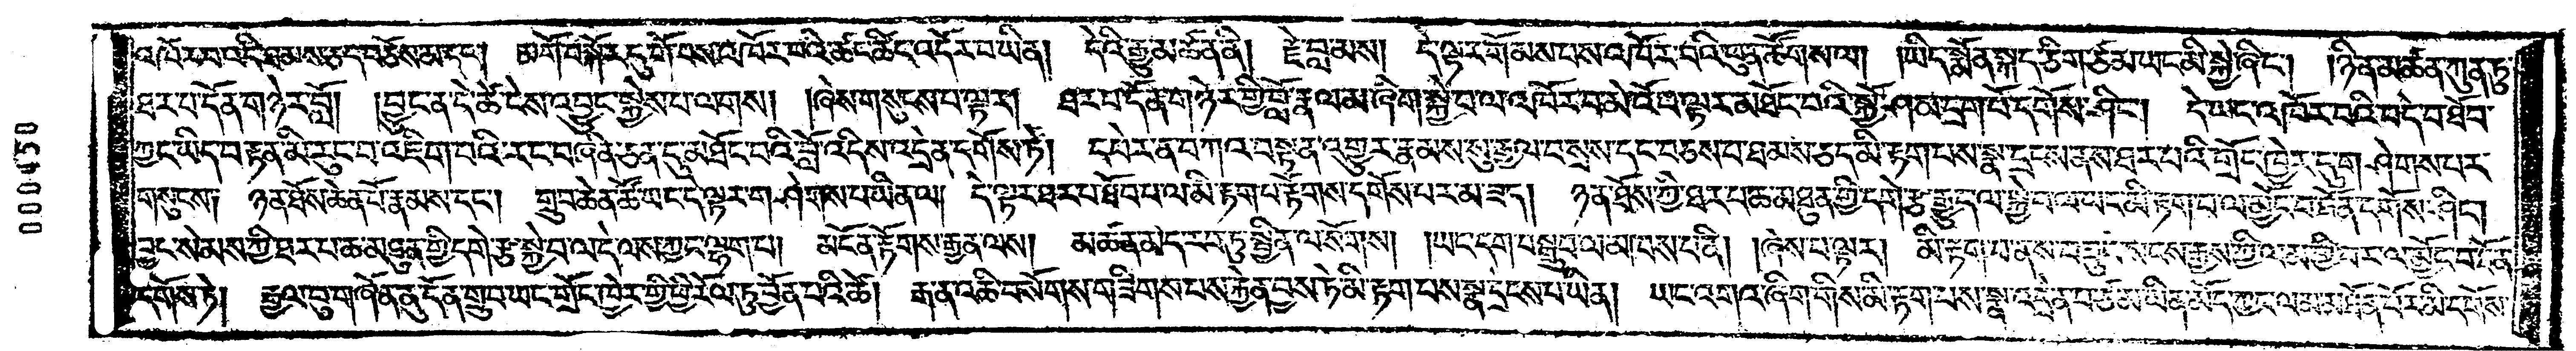འཁོར་བ་འདི་ཐམས་ཅད་བཅོས་མ་དང་། མགོ་བསྐོར་དུ་གོ་བས་འཁོར་བའི་ཚང་ཚིང་འདོར་བ་ཡིན། དེའི་རྒྱུ་མཚན་ནི། རྗེ་བླ་མས། དེ་ལྟར་གོམས་པས་འཁོར་བའི་ཕུན་ཚོགས་ལ། །ཡིད་སྨོན་སྐད་ཅིག་ཙམ་ཡང་མི་སྐྱེ་ཞིང་། །ཉིན་མཚན་ཀུན་ཏུ་
ཐར་བ་དོན་གཉེར་བློ། །བྱུང་ན་དེ་ཚེ་ངེས་འབྱུང་སྐྱེས་པ་ལགས། །ཞེས་གསུངས་པ་ལྟར། ཐར་པ་དོན་གཉེར་གྱི་བློ་རྣལ་མ་ཞིག་སྐྱེ་བ་ལ་འཁོར་བ་མེ་འོ་བ་ལྟར་མཐོང་བའི་སྐྱོ་ཤས་དྲག་པོ་དགོས་ཤིང་། དེ་ཡང་འཁོར་བའི་བདེ་བ་ཐོབ་
ཀྱང་ཡིད་བརྟན་མི་རུང་བ་འཇིག་པའི་རང་བཞིན་ཅན་དུ་མཐོང་བའི་བློ་འདིས་འདྲེན་དགོས་ཏེ། དཔེར་ན་བཀའ་བསྟན་འགྱུར་རྣམས་སུ་རྒྱལ་བ་སྲས་དང་བཅས་པ་ཐམས་ཅད་མི་རྟག་པས་སྣ་དྲངས་ནས་ཐར་པའི་གྲོང་ཁྱེར་དུ་གཤེགས་པར་
གསུངས། ཉན་ཐོས་ཆེན་པོ་རྣམས་དང་། གྲུབ་ཆེན་ཚོ་ཡང་དེ་ལྟར་གཤེགས་པ་ཡིན་ལ། དེ་ལྟར་ཐར་པ་ཐོབ་པ་ལ་མི་རྟག་པ་རྟོགས་དགོས་པར་མ་ཟད། ཉན་ཐོས་ཀྱི་ཐར་པ་ཆ་མཐུན་གྱི་དགེ་རྩ་རྒྱུད་ལ་སྐྱེ་བ་ལ་ཡང་མི་རྟག་པ་ལ་མྱོང་བ་ཐོན་དགོས་ཤིང་།
བྱང་སེམས་ཀྱི་ཐར་པ་ཆ་མཐུན་གྱི་དགེ་རྩ་སྐྱེ་བ་ལ་དེ་ལས་ཀྱང་ལྷག་པ། མངོན་རྟོགས་རྒྱན་ལས། མཚན་མེད་རབ་ཏུ་སྦྱིན་ལ་སོགས། །ཡང་དག་བསྒྲུབ་ལ་མཁས་པ་ནི། །ཞེས་པ་ལྟར། མི་རྟག་པ་ནས་བཟུང་སངས་རྒྱས་ཀྱི་ལམ་གྱི་བར་ལ་མྱོང་བ་ཐོན་
དགོས་ཏེ། རྒྱལ་བུ་གཞོན་ནུ་དོན་གྲུབ་ཡང་གྲོང་ཁྱེར་གྱི་ཕྱི་རོལ་ཏུ་བྱོན་པའི་ཚེ། རྒན་འཆི་བ་སོགས་གཟིགས་པས་རྐྱེན་བྱས་ཏེ་མི་རྟག་པས་སྣ་དྲངས་པ་ཡིན། ཡང་འགའ་ཞིག་གིས་མི་རྟག་པས་སྣ་འདྲེན་པ་ཙམ་ཡིན་མོད་ཀྱང་ལམ་མཐོན་པོར་མི་དགོས་